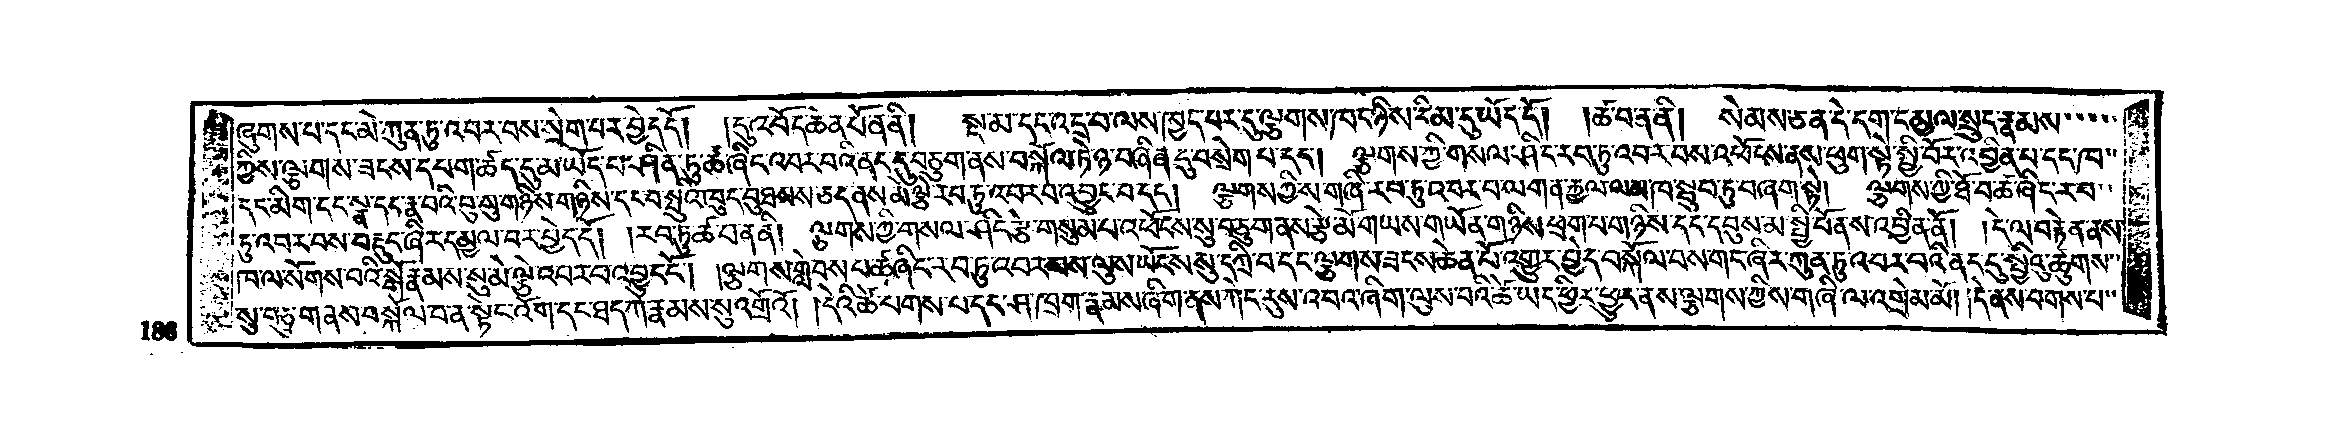ཞུགས་པ་དང་མེ་ཀུན་ཏུ་འབར་བས་སྲེག་པར་བྱེད་དོ། །དུ་འབོད་ཆེན་པོ་ན་ནི། སྔ་མ་དང་འདྲ་བ་ལས་ཁྱད་པར་དུ་ལྕགས་ཁང་ཉིས་རིམ་དུ་ཡོད་དོ། །ཚ་བ་ན་ནི། སེམས་ཅན་དེ་དག་དམྱལ་སྲུང་རྣམས་
ཀྱིས་ལྕགས་ཟངས་དཔག་ཚད་དུ་མ་ཡོད་པ་ཤིན་ཏུ་ཚ་ཞིང་འབར་བའི་ནང་དུ་བཅུག་ནས་བསྐོལ་ཏེ་ཉ་བཞིན་དུ་བསྲེག་པ་དང་། ལྕགས་ཀྱི་གསལ་ཤིང་རབ་ཏུ་འབར་བས་འཕོངས་ནས་ཕུག་སྟེ་སྤྱི་བོར་འབྱིན་པ་དང་ཁ་
དང་མིག་དང་སྣ་དང་རྣ་བའི་བུ་གུ་གཉིས་གཉིས་དང་བ་སྤུའི་ཁུང་བུ་ཐམས་ཅད་ནས་མེ་ལྕེ་རབ་ཏུ་འབར་བ་འབྱུང་བ་དང་། ལྕགས་ཀྱི་ས་གཞི་རབ་ཏུ་འབར་བ་ལ་གན་རྐྱལ་ལམ་ཁ་སྦུབ་ཏུ་བཞག་སྟེ། ལྕགས་ཀྱི་ཐོ་བ་ཚ་ཞིང་རབ་
ཏུ་འབར་བས་བརྡུང་ཞིང་དམྱལ་བར་བྱེད་དོ། །རབ་ཏུ་ཚ་བ་ན་ནི། ལྕགས་ཀྱི་གསལ་ཤིང་རྩེ་གསུམ་པ་འཕོངས་སུ་བཅུག་ནས་རྩེ་མོ་གཡས་གཡོན་གཉིས་ཕྲག་པ་གཉིས་དང་དབུས་མ་སྤྱི་བོ་ནས་འབྱིན་ནོ། །དེ་ལ་བརྟེན་ནས་
ཁ་ལ་སོགས་པའི་སྒོ་རྣམས་སུ་མེ་ལྕེ་འབར་པ་འབྱུང་ངོ། །ལྕགས་གླེབས་པ་ཚ་ཞིང་རབ་ཏུ་འབར་བས་ལུས་ཡོངས་སུ་དཀྲི་བ་དང་ལྕགས་ཟངས་ཆེན་པོ་འགྱུར་བྱེད་བསྐོལ་བས་གང་ཞིང་ཀུན་ཏུ་འབར་བའི་ནང་དུ་སྤྱིའུ་ཚུགས་
སུ་བཅུ་གནས་བསྐོལ་བ་ན་སྟེང་འོག་དང་ཐད་ཀ་རྣམས་སུ་འགྲོའོ། །དེའི་ཚེ་པགས་པ་དང་ཤ་ཁྲག་རྣམས་ཞིག་ནས་ཀེང་རུས་འབའ་ཞིག་ལུས་པའི་ཚེ་ཡང་ཕྱིར་ཕྱུང་ནས་ལྕགས་ཀྱིས་གཞི་ལ་འགྲེམ་མོ། །དེ་ནས་པགས་པ་